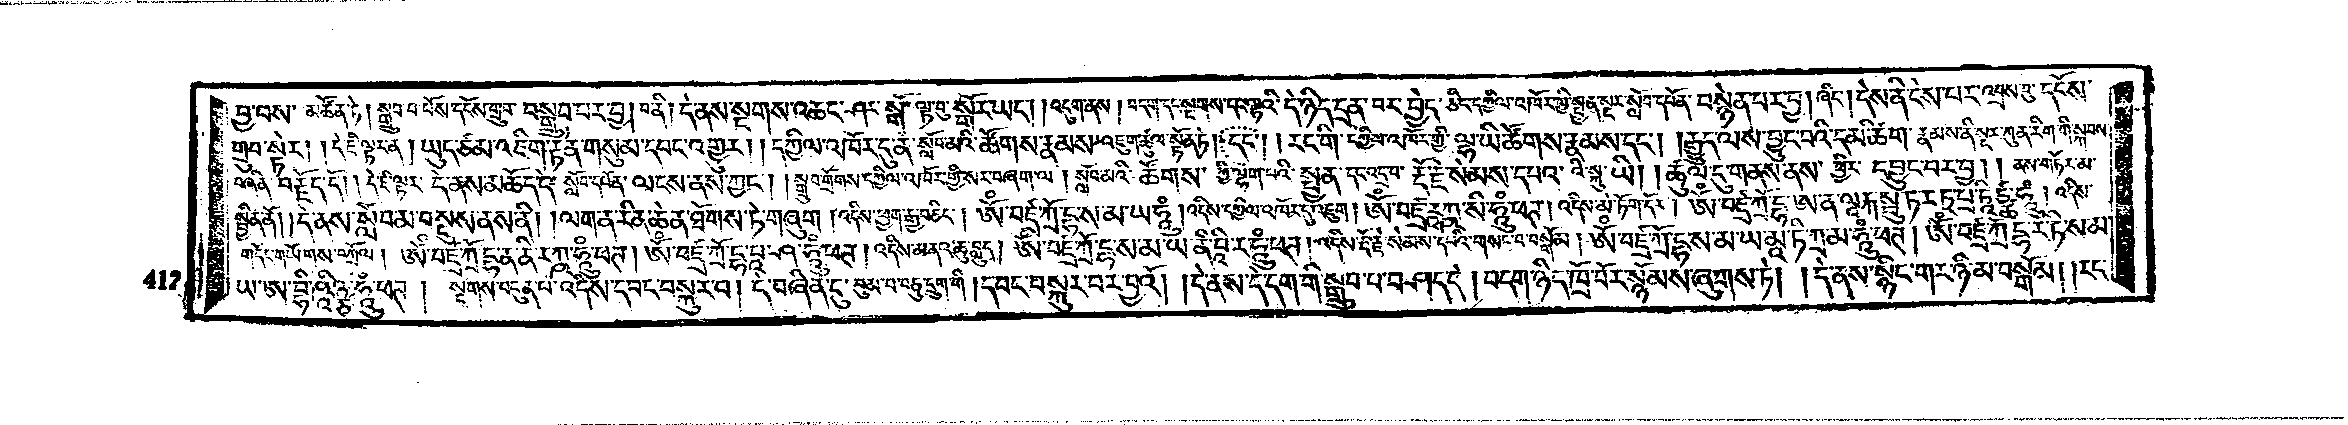བྱ་བས་མཚོན་ཏེ། སྒྲུབ་པ་པོས་དངོས་གྲུབ་བསྒྲུབ་པར་བྱ། བ་ནི། དེ་ནས་སྔགས་འཆང་ཤར་སྒོ་ལྟ་བུ་སྒོར་ཡང་། འདུ་ནས། བདག་དང་སྔགས་དང་ལྷའི་དེ་ཉིད་དྲན་པར་བྱེད་ཅིང་དཀྱིལ་འཁོར་གྱི་སྤྱན་སྔར་སློབ་དཔོན་བསྙེན་པར་བྱ། ཞིང། དེས་ནི་ངེས་པར་འབྲས་བུ་དངོས་
གྲུབ་སྟེར། ། དེ་ཇི་ལྟར་ན།  ཡུད་ཙམ་འཇིག་རྟེན་གསུམ་དབང་འགྱུར། །དཀྱིལ་འཁོར་དུ་ནི་སློབ་མའི་ཚོགས་རྣམས་འཇུག་ཚུལ་སྟོན་ཏེ།  དང་། །རང་གི་དཀྱིལ་འཁོར་གྱི་ལྷ་ཡི་ཚོགས་རྣམས་དང་། །རྒྱུད་ལས་བྱུང་བའི་དམ་ཚིག་རྣམས་ནི་སྔར་ཀུན་རིག་གི་སྐབས་
བཞིན་བརྗོད་དོ། ། དེ་ཇི་ལྟར་དེ་ནས་མཆོད་དེ་སློབ་དཔོན་ལངས་ནས་ཀྱང་། ། སྒྲུབ་གྲོགས་དཀྱིལ་འཁོར་གྱི་སར་བཞག་ལ། སློབ་མའི་ཚོགས་ཀྱི་ལྷག་པའི་སྤྱན་དང་འདྲ་བ་རྡོ་རྗེ་སེམས་དཔའ་འི་སྐུ་ཡི། །ཚུལ་དུ་གནས་ནས་ཕྱིར་དབྱུང་བར་བྱ། །ནས་གཏོར་མ་
སྦྱིན་ནོ། །དེ་ནས་སློབ་མ་བསྡུས་ནས་ནི། །ལག་ན་རིན་ཆེན་ཐོགས་ཏེ་གཞུག། འདིས་ཕྱག་རྒྱ་བཅིང་།  ཨོཾ་བཛྲ་ཀྲོ་དྷ་ས་མ་ཡ་ཧཱུཾ། འདིས་དཀྱིལ་འཁོར་དུ་འཇུག། ཨོཾ་བཛྲ་རཱཀྵ་སི་ཧཱུཾ་ཕཊ། འདིས་མེ་ཏོག་དོར།  ཨོཾ་བཛྲ་ཀྲོ་དྷ་ཨ་ན་ལཱརྐ་སྦུ་ཏ་ར་ཏྲ་པྲ་གཱི་ཙཚ་ཧཱུཾ། འདིས་
གདོང་གཡོགས་བཀྲོལ། ཨོཾ་བཛྲ་ཀྲོ་དྷ་ན་ནི་རཀྵ་ཧཱུཾ་ཕཊ། ཨོཾ་བཛྲ་ཀྲོ་དྷ་པཱ་ཤ་ཧཱུཾ་ཕཊ། འདིས་མནའ་ཆུ་བླུད།  ཨོཾ་བཛྲ་ཀྲོ་དྷ་ས་མ་ཡ་ནི་བཱི་ར་ཧཱུཾ་ཕཊ། འདིས་རྡོ་རྗེ་སེམས་དཔའི་གསང་བ་བསྒོམ།  ཨོཾ་བཛྲ་ཀྲོ་དྷ་ས་མ་ཡ་མཱ་ཏི་ཀྲ་མ་ཧཱུཾ་ཕཊ། ཨོཾ་བཛྲ་ཀྲོ་དྷ་ར་ཏི་ས་མ་
ཡ་ཨ་བྷི་ཥཱི་ཉཙ་ཧཱུཾ་ཕཊ། སྔགས་བདུན་པ་འདིས་དབང་བསྐུར་བ། དེ་བཞིན་དུ་བུམ་པ་བཅུ་དྲུག་གི།  དབང་བསྐུར་བར་བྱའོ། །དེ་ནས་དེ་དག་གི་སྒྲུབ་པ་བཤད་དེ། བདག་ཉིད་ཁྲོ་བོར་སྙོམས་ཞུགས་ཏེ། །དེ་ནས་སྙིང་གར་ཉི་མ་བསྒོམ། །རང་